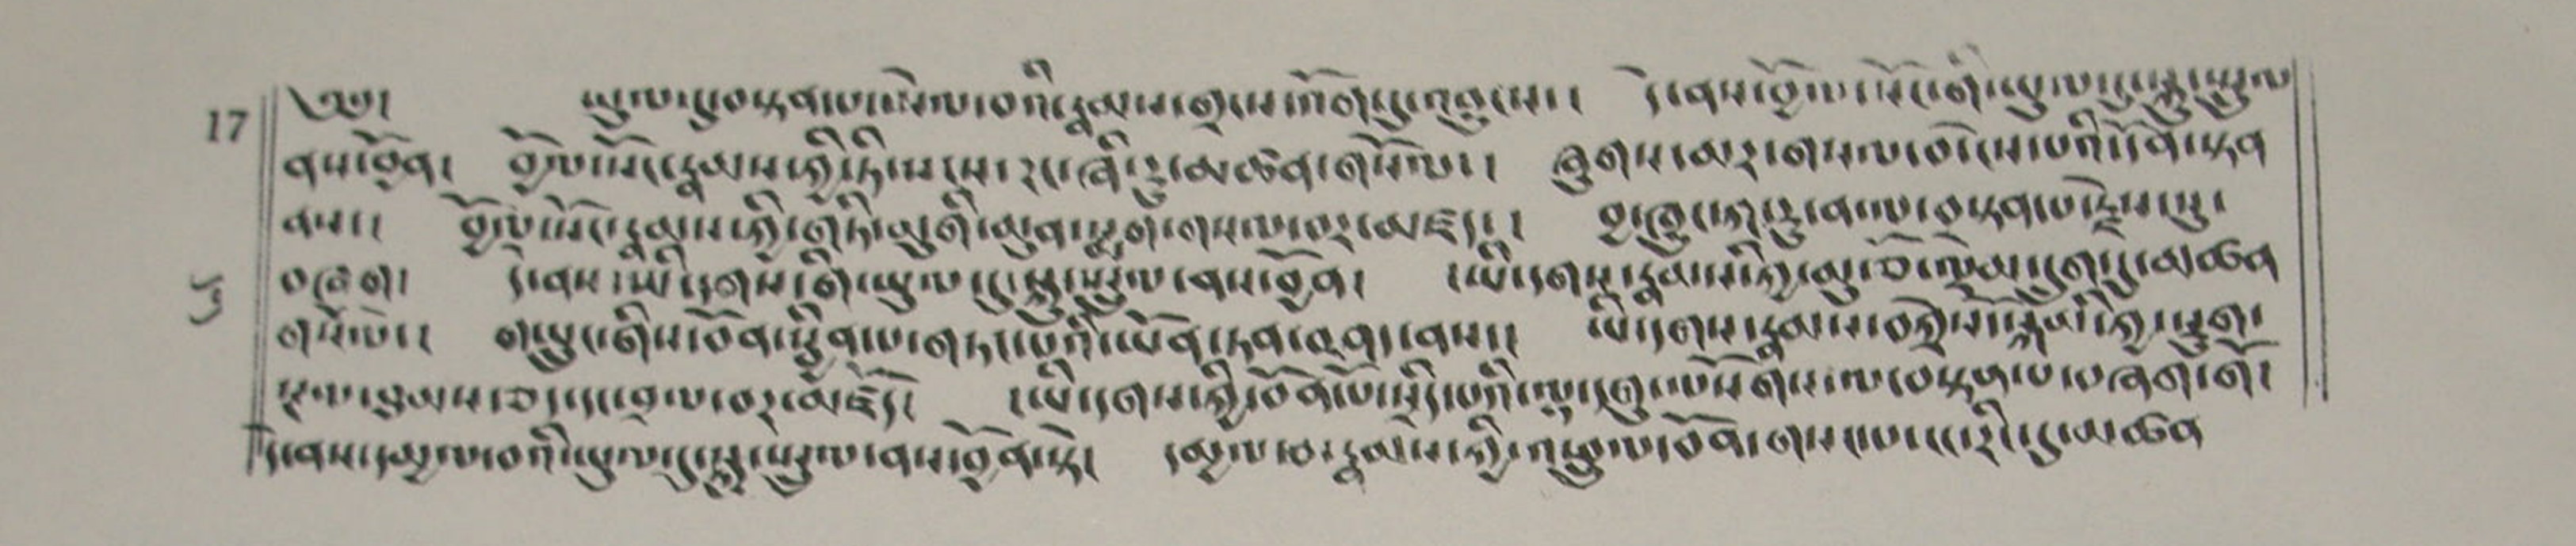༄༅། །ཡུལ་དུ་བསྟན་པ་སྤེལ་བའི་རྣམ་གྲངས་འོག་ཏུ་འབྱུང་། དེ་ནས་བྱོལ་སོང་གི་ཡུལ་དུ་སྐུ་སྤྲུལ་
ནས་བྱོན། བྱོལ་སོང་རྣམས་ཀྱིས་ཏི་སངས་རང་ཞི་རུ་མཚན་གསོལ། ཞུགས་མར་གསལ་བ་ངེས་པའི་དོན་བསྟན་
ནས། བྱོལ་སོང་རྣམས་ཀྱིས་གཏི་མུག་གི་མུན་སྨག་གསལ་བར་མཛད། བྱ་ཁྱུང་ཀ་རུ་ན་ལ་བསྟན་པ་རྗེས་སུ་
བཞག དེ་ནས་ཡི་དྭགས་ཀྱི་ཡུལ་དུ་སྐུ་སྤྲུལ་ནས་བྱོན། ཡི་དྭགས་རྣམས་ཀྱིས་མུ་ཆོ་ལྡེམ་དྲུག་ཏུ་མཚན་
གསོལ་ལོ། །གཡུང་དྲུང་གི་བོན་སྦྱིན་པ་བཏངས་པའི་ཡོན་ཏན་བཤད་ནས། ཡི་དྭགས་རྣམས་བཀྲེས་སྐོམས་ཀྱི་སྡུག་
བསྔལ་ཐམས་ཅད་དང་བྲལ་བར་མཛད། །ཡི་དྭགས་ཀྱི་བོན་པོ་སྲིད་པའི་ལྷ་དགུ་ལ་སོགས་ལ་བསྟན་པ་བཞག་གོ 
།དེ་ནས་དམྱལ་བའི་ཡུལ་དུ་སྐུ་སྤྲུལ་ནས་བྱོན་ཏེ། དམྱལ་བ་རྣམས་ཀྱིས་འཕྲུལ་བོན་གསང་བ་ངང་རིང་དུ་མཚན་